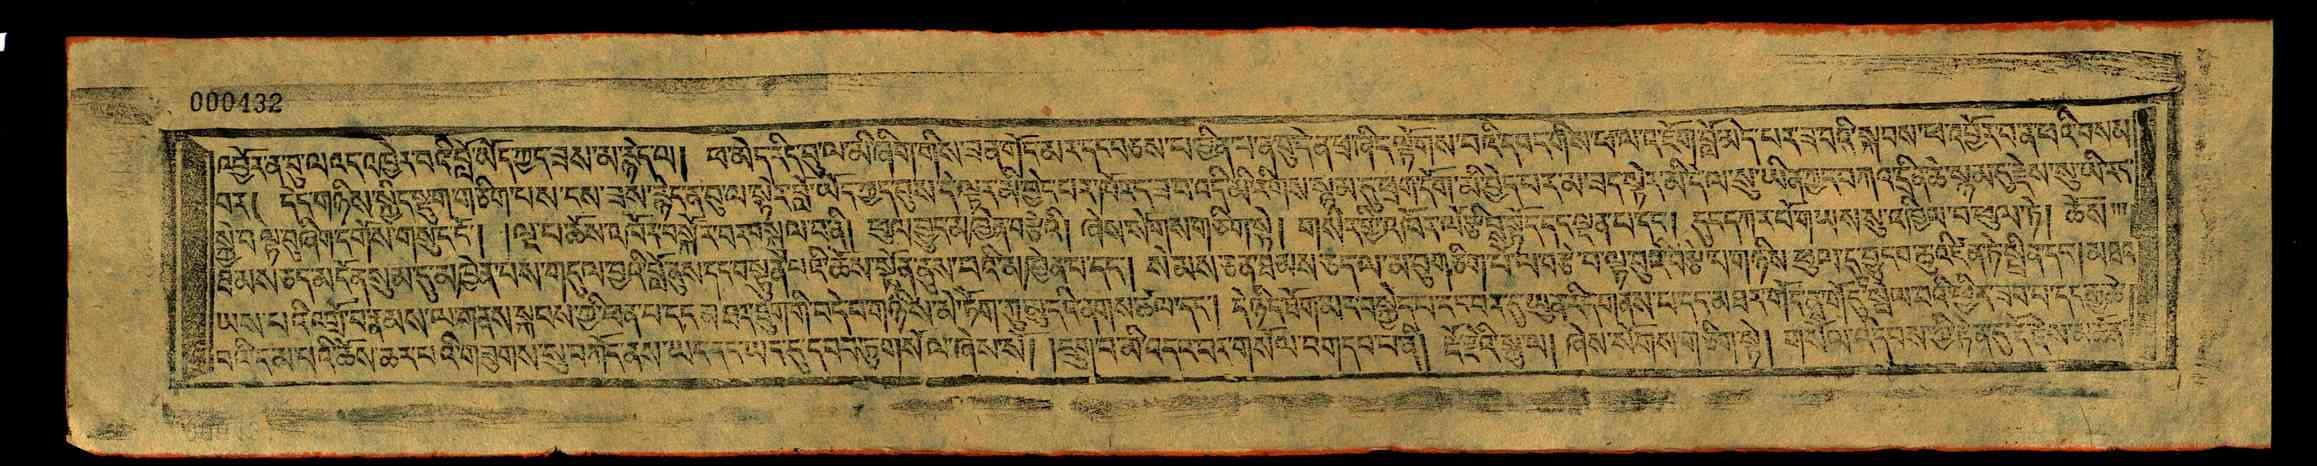འབྱོར་ན་བུ་ལའང་འཁྱེར་བའི་བློ་ཡོད་ཀྱང་ཟས་མ་རྙེད་ལ། ཕ་མེད་རིང་བུ་ལ་མི་ཞིག་གིས་ཟན་གོང་མར་དང་བཅས་པ་བྱིན་པ་ན་བུ་དེ་ན་ཕྲ་ཞིང་ལྟོགས་པའི་དབང་གིས་ཕལ་འཇོག་བློ་མེད་པར་ཟ་བའི་སྐབས་ཕ་འབྱོར་བ་ན་ཕའི་བསམ་
པར༑ ངེད་གཉིས་སྐྱིད་སྡུག་གཅིག་པས་ངས་ཟས་རྙེད་ན་བུ་ལ་སྟེར་བློ་ཡོད་ཀྱང་བུས་དེ་ལྟར་མི་བྱེད་པར་ཁོ་རང་ཟ་བ་འདི་མི་རིགས་སྙམ་དུ་ཕྲག་དོག་མི་བྱེད་པར་མ་ཟད་སྟེར་མི་དེ་ལ་སུ་ཡིན་ཀྱང་བཀའ་དྲིན་ཆེ་སྙམ་དུ་རྗེས་སུ་ཡི་རང་
སྐྱེ་བ་ལྟ་བུ་ཞིག་དགོས་གསུང་ངོ། །ལྔ་པ་ཆོས་འཁོར་བསྐོར་བར་བསྐུལ་བ་ནི། ཕུལ་བྱུང་མཁྱེན་བརྩེའི། ཞེས་སོགས་གཅིག་སྟེ། གསེར་གྱི་འཁོར་ལོ་རྩིབས་སྟོང་དང་ལྡན་པ་དང་། དུང་དཀར་པོ་གཡས་སུ་འཁྱིལ་བ་ཕུལ་ཏེ། ཆོས་
ཐམས་ཅད་མངོན་སུམ་དུ་མཁྱེན་པས་གདུལ་བྱའི་བློ་ནུས་དང་བསྟུན་པའི་ཆོས་སྟོན་ནུས་པའི་མཁྱེན་པ་དང་། སེམས་ཅན་ཐམས་ཅད་ལ་མ་བུ་གཅིག་པ་ལ་བརྩེ་བ་ལྟ་བུའི་བརྩེ་བ་གཉིས་ཕུལ་དུ་བྱུང་བ་ཆུ་འཛིན་ཏེ་སྤྲིན་དང་། མཐའ་
ཡས་པའི་འགྲོ་བ་རྣམས་ལ་གནས་སྐབས་ཀྱི་ཕན་པ་དང་མཐར་ཐུག་གི་བདེ་བ་གཉིས་མེ་ཏོག་ཀུ་མུ་དའི་ནགས་ཚལ་དང་། དེ་ཉིད་ཐོག་མར་བསྐྱེད་པ་དང་བར་དུ་ཡུན་རིང་གནས་པ་དང་མཐར་གོང་ནས་གོང་དུ་སྤེལ་བའི་ཕྱིར་ཟབ་པ་དང་རྒྱ་ཆེ་
བའི་དམ་པའི་ཆོས་ཆར་པའི་གཟུགས་སུ་བཀོད་ནས་ཡང་དང་ཡང་དུ་དབབ་ཏུ་གསོལ་ཞེས་སོ། །དྲུག་པ་མི་འདའ་བར་གསོལ་བ་གདབ་པ་ནི། རྡོ་རྗེའི་སྐུ་ལ། ཞེས་སོགས་གཅིག་སྟེ། གསོལ་འདེབས་ཀྱི་རྟེན་དུ་རྡོ་རྗེས་མཚན་